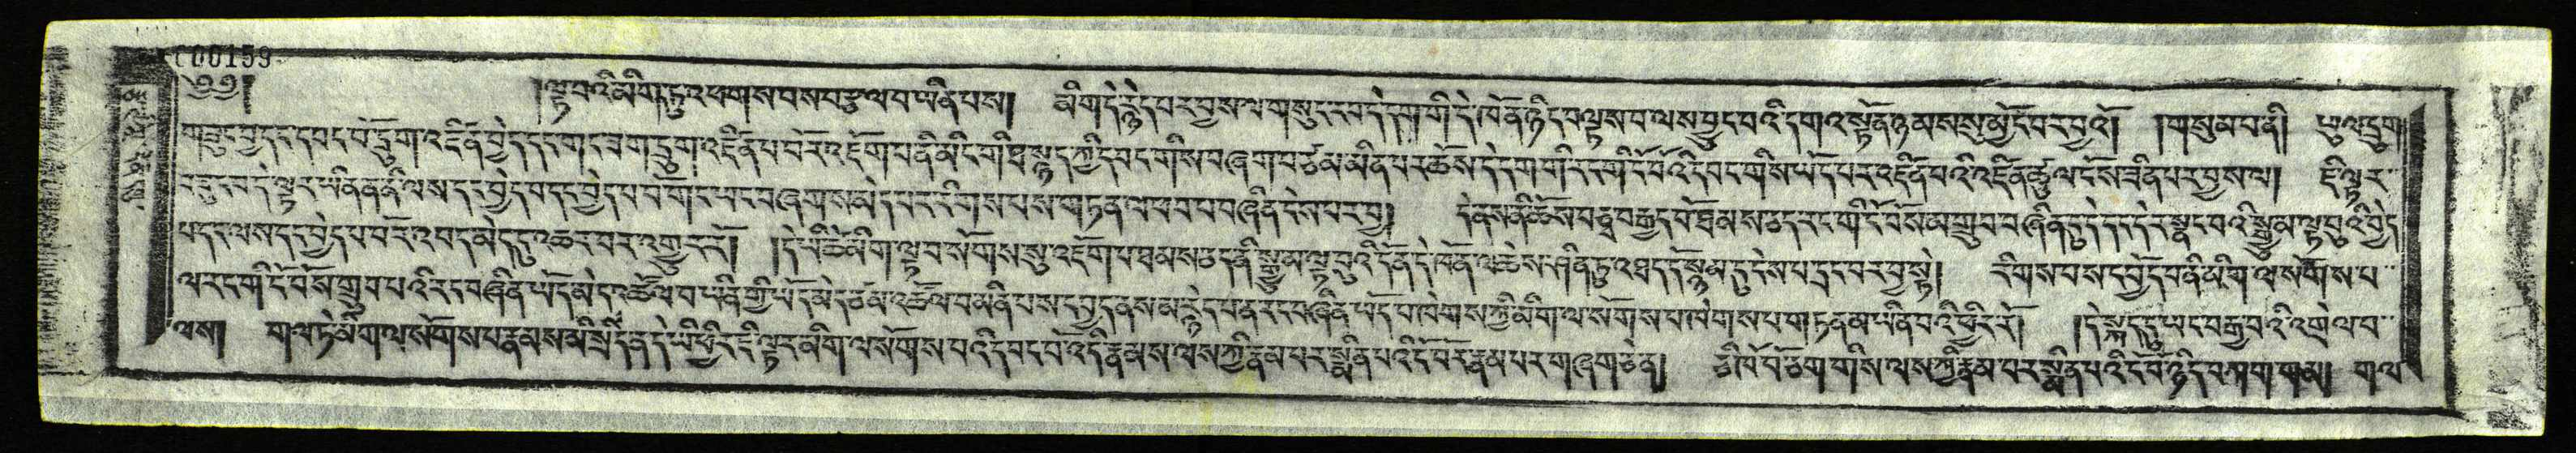༄༅། །ལྟ་བའི་མིག་ཏུ་འཕགས་པས་བརྩལ་བ་ཡིན་པས། མིག་དེ་རྙེད་པར་བྱས་ལ་གསུང་རབ་དེ་དག་གི་དེ་ཁོ་ན་ཉིད་བལྟས་པ་ལས་བྱུང་བའི་དགའ་སྟོན་ཉམས་སུ་མྱོང་བར་བྱའོ། །གསུམ་པ་ནི། ཡུལ་དྲུག་
གཟུང་བྱ་དང་དབང་པོ་དྲུག་འཛིན་བྱེད་དང་གང་ཟག་དྲུག་འཛིན་པ་པོར་འཇོག་པ་ནི་མིང་གི་ཐ་སྙད་ཀྱི་དབང་གིས་བཞག་པ་ཙམ་མིན་པར་ཆོས་དེ་དག་གི་རང་གི་ངོ་བོའི་དབང་གིས་ཡོད་པར་འཛིན་པའི་འཛིན་ཚུལ་ངོས་ཟིན་པར་བྱས་ལ། ཇི་ལྟར་
བཟུང་བ་དེ་ལྟར་ཡིན་ན་ནི་ལས་དང་བྱེད་པ་དང་བྱེད་པ་པོ་གང་ཡང་བཞག་ས་མེད་པར་རིགས་པས་གཏན་ལ་ཕབ་པ་བཞིན་ངེས་པར་བྱ། དེ་ནས་ནི་ཆོས་བཅྭ་བརྒྱད་པོ་ཐམས་ཅད་རང་གི་ངོ་བོས་མ་གྲུབ་བཞིན་དུ་དེ་དང་དེར་སྣང་བའི་སྒྱུ་མ་ལྟ་བུའི་བྱེད་
པ་དང་ལས་དང་བྱེད་པ་པོར་འབད་མེད་དུ་འཆར་བར་འགྱུར་རོ། །དེ་ཡི་ཚེ་མིག་ལྟ་བ་སོགས་སུ་འཇོག་པ་ཐམས་ཅད་ནི་སྒྱུ་མ་ལྟ་བུའི་དོན་དེ་ཁོ་ན་ལ་ཆེས་ཤིན་ཏུ་འཐད་དོ་སྙམ་དུ་ངེས་པ་དྲང་བར་བྱ་སྟེ། རིགས་པས་དཔྱོད་པ་ནི་མིག་ལ་སོགས་པ་
ལ་རང་གི་ངོ་བོས་གྲུབ་པའི་རང་བཞིན་ཡོད་མེད་འཚོལ་བ་ཡིན་གྱི་ཡོད་མེད་ཙམ་འཚོལ་བ་མིན་པས་དཔྱད་ནས་མ་རྙེད་པ་ན་རང་བཞིན་ཡོད་པ་ཁེགས་ཀྱི་མིག་ལ་སོགས་པ་ཁེགས་པ་གཏན་མ་ཡིན་པའི་ཕྱིར་རོ། །དེ་སྐད་དུ་ཡང་བརྒྱ་བའི་འགྲེལ་པ་
ལས། གལ་ཏེ་མིག་ལ་སོགས་པ་རྣམས་མི་སྲིད་ན་དེ་ཡི་ཕྱིར་ཇི་ལྟར་མིག་ལ་སོགས་པའི་དབང་པོ་འདི་རྣམས་ལས་ཀྱི་རྣམ་པར་སྨིན་པའི་ངོ་བོར་རྣམ་པར་གཞག་ཅེ་ན། ཅི་ཁོ་བོ་ཅག་གིས་ལས་ཀྱི་རྣམ་པར་སྨིན་པའི་ངོ་བོ་ཉིད་བཀག་གམ། གལ་